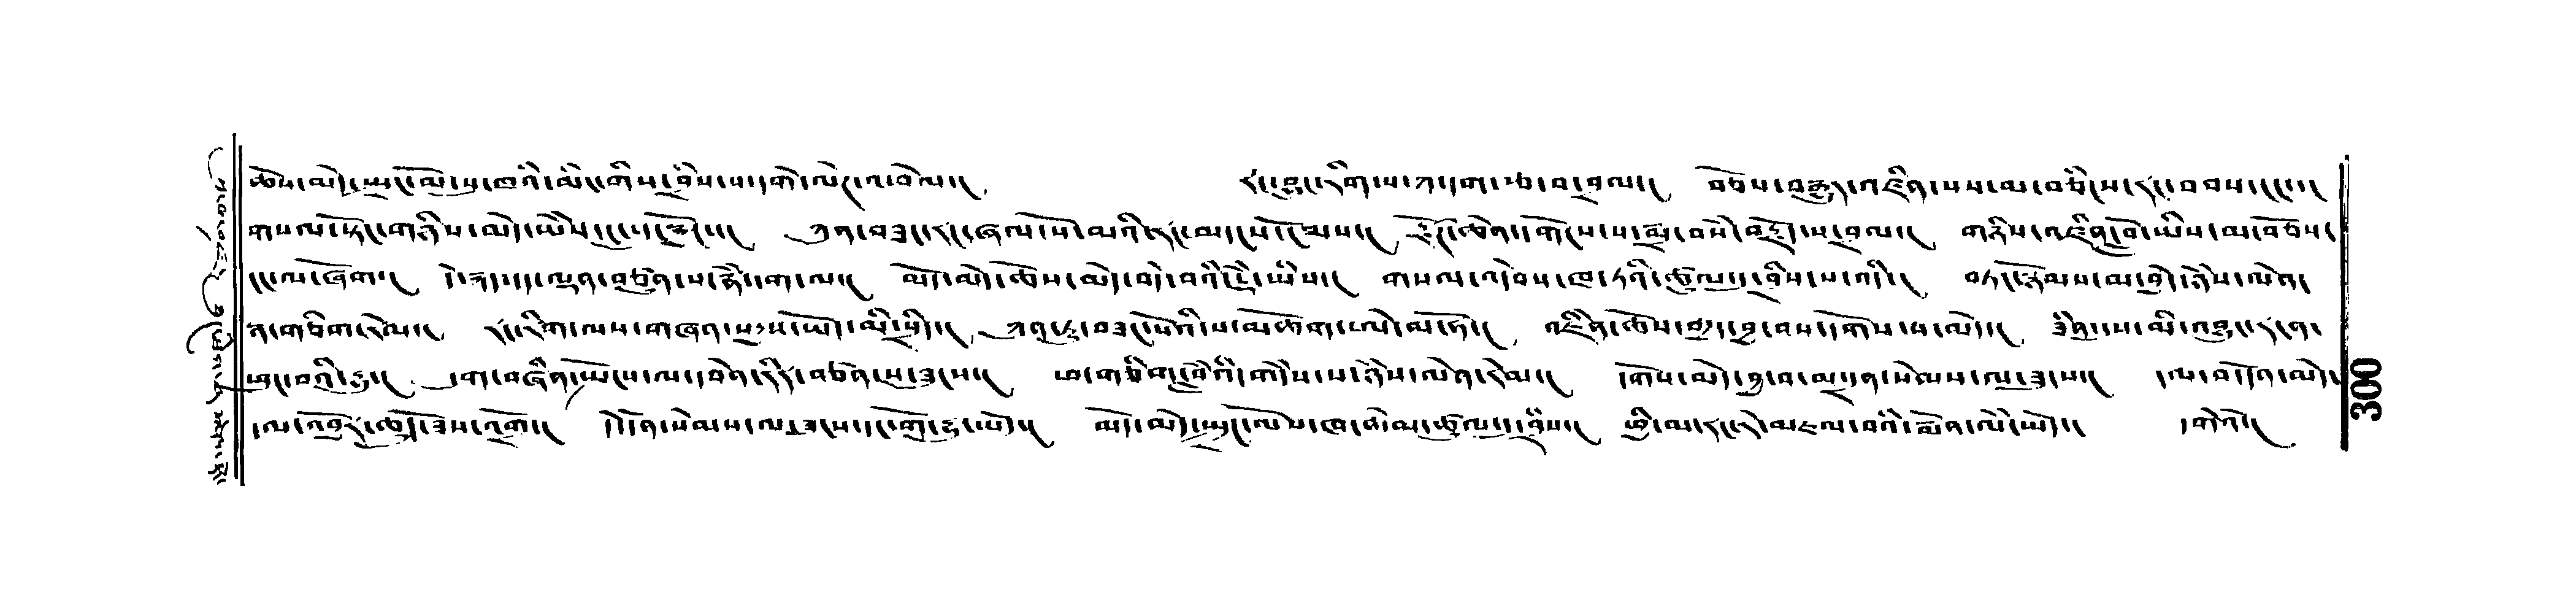ཆོས་མེད་སྤྲང་མོ་སུ་ཁའི་མིང་གིས་བྲིས་པ་དགེ་ལེགས་འཕེལ།།རང་བྱུང་རིག་པ་ཀ་དག་རྩ་བ་བྲལ། །བཅོས་བསྒྱུར་འཛིན་པས་མ་བཅིངས་རང་བབས་ངང་། །
གསལ་སྟོང་གཉིས་མེད་ཡེ་ཤེས་ངང་དུ་སྐྱོང་། །ཀུན་བཟང་རང་ཞལ་སོ་མའི་རང་མདངས་ངོམས། །རྫོགས་ཆེན་དགོངས་པ་སྨྲ་བསམ་བརྗོད་པ་བྲལ། །གཉིས་འཛིན་བློ་ཡིས་མ་བཅོས་
ངང་ལ་ཞོག །དེ་སྐད་དད་ལྡན་བཙུན་པ་རྣམ་དག་ལ། །མདོ་མེད་ཆོས་མེད་བདེ་བའི་རྡོ་རྗེ་ཡིས། །གསལ་འདེབས་ཁ་ཏའི་ཚུལ་དུ་བྲིས་པ་འདི། །བཏང་སྙོམས་མ་བྱེད་ཉམས་ལེན་
སྣ་གཅིག་རེམ། །རང་རིག་ལས་གཞན་སངས་རྒྱས་ཡོད་མི་སྲིད། །ཀུན་ཏུ་བཟང་པོའི་ས་མཆོག་ཨེ་མ་ཧོ། །འཇིག་རྟེན་ཆོས་བརྒྱད་བྱ་བས་དགོས་པ་མེད། །ཟིན་དུས་མི་འབྱུང་རང་གཞན་
ཕུང་བའི་རྒྱུ། །དུག་བཞིན་སྤོངས་ལ་དབེན་རིར་བཙན་ས་ཟུངས། །ཕ་གཅིག་བླ་མའི་གདམས་པ་ཉམས་ལེན་རེམ། །དགོས་མེད་བྱ་བ་མ་དྲན་སེམས་ལ་ཟུངས། །ངལ་བ་དོན་མེད་
དལ་འབྱོར་ཆུད་ཟོས་འགྲོ། །དེ་དོན་སེམས་ལ་ཟུངས་དང་གོ་རྒྱུ་ཡོད། །མདོ་མེད་སྤྲང་མོས་ཁ་ཆེམས་ཚུལ་དུ་བྲིས། །ཕྱི་མར་རང་རེ་མཇལ་བའི་སྨོན་ལམ་ཡོད། དགེའོ།།